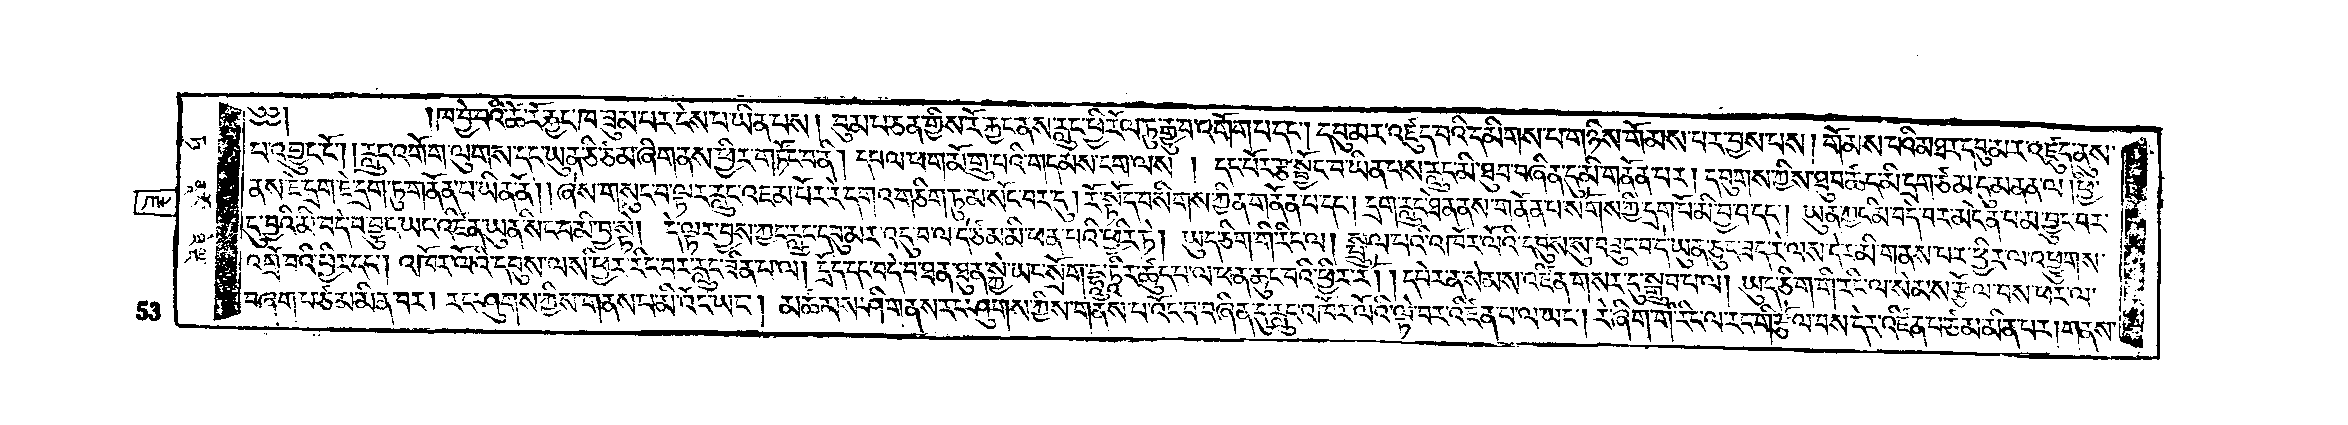༄༅། །ཁ་བྱེ་བའི་ཆོ་རོ་རྐྱང་ཁ་ཟུམ་པར་ངེས་པ་ཡིན་པས། བུམ་པ་ཅན་གྱིས་རོ་རྐྱང་ནས་རླུང་ཕྱི་རོལ་ཏུ་རྒྱུ་བ་འགོག་པ་དང་། དབུ་མར་འཛུད་པའི་དམིགས་པ་གཉིས་གོམས་པར་བྱས་པས། གོམས་པའི་མཐར་དབུ་མར་འཛུད་ནུས་
པ་འབྱུང་ངོ། །རླུང་འགོག་ལུགས་དང་ཡུན་ཅི་ཙམ་ཞིག་ནས་ཕྱིར་གཏོང་བ་ནི། དཔལ་ཕག་མོ་གྲུ་པའི་གདམས་ངག་ལས། དང་པོར་རྩ་སྦྱོང་བ་ཡིན་པས་རླུང་མི་ཐུབ་བཞིན་དུ་མི་གནོན་པར། དབུགས་ཀྱིས་ཐུབ་ཚད་མི་དྲག་ཙམ་དུ་མནན་ལ། ཕྱི་
ནས་ཇེ་དྲག་ཇེ་དྲག་ཏུ་གནོན་པ་ཡིན་ནོ། །ཞེས་གསུང་བ་ལྟར་རླུང་འཇམ་པོར་རེ་དགའ་གཅིག་ཏུ་མ་སོང་བར་དུ། རོ་སྟོད་བསིགས་ཀྱིན་གནོན་པ་དང་། དྲག་རླུང་ཐེན་ནས་གནོན་པ་སོགས་ཀྱི་དྲག་པོ་མི་བྱ་བ་དང་། ཡུན་ཀྱང་མི་བདེ་བར་མངོན་པ་མ་བྱུང་བར་
དུ་བྱའི་མི་བདེ་བ་བྱུང་ཡང་འཛིན་ཡུན་སིང་བ་མི་བྱ་སྟེ། དེ་ལྟར་བྱས་ཀྱང་རླུང་དབུ་མར་འདུ་བ་ལ་དེ་ཙམ་མི་ཕན་པའི་ཕྱིར་ཏེ། ཡུད་ཅིག་གི་རིང་ལ། སྤྲུལ་པའི་འཁོར་ལོའི་དབུས་སུ་བཟུང་བ་དེ་ཡུན་ཅུང་ཟད་རེ་ལས་དེར་མི་གནས་པར་ཕྱིར་ལ་འཕྱུགས་
འགྲོ་བའི་ཕྱིར་དང་། འཁོར་ལོའི་དབུས་ལས་ཕྱིར་རིང་བར་རླུང་ཟིན་པ་ལ། དྲོད་དང་བདེ་བ་ཐན་ཐུན་སྐྱེ་ཡང་སྲོག་དྷཱུ་ཏཱིར་ཚུད་པ་ལ་ཕན་ཆུང་བའི་ཕྱིར་རོ། །དཔེར་ན་སེམས་འཛིན་གསར་དུ་སྒྲུབ་པ་ལ། ཡུད་ཅིག་གི་རིང་ལ་སེམས་རྩོལ་བས་ཕར་ལ།
བཞག་པ་ཙམ་མིན་བར། རང་ཤུགས་ཀྱིས་གནས་པ་མི་འོང་ཡང་། མཚམས་ཤིག་ནས་རང་ཤུགས་ཀྱིས་གནས་པ་འོང་བ་བཞིན་དུ་རླུང་འཁོར་ལོའི་ལྟེ་བར་འཛིན་པ་ལ་ཡང་། རེ་ཞིག་གི་རིང་ལ་རང་གི་རྩོལ་བས་དེར་འཛིན་པ་ཙམ་མིན་པར། གནས་